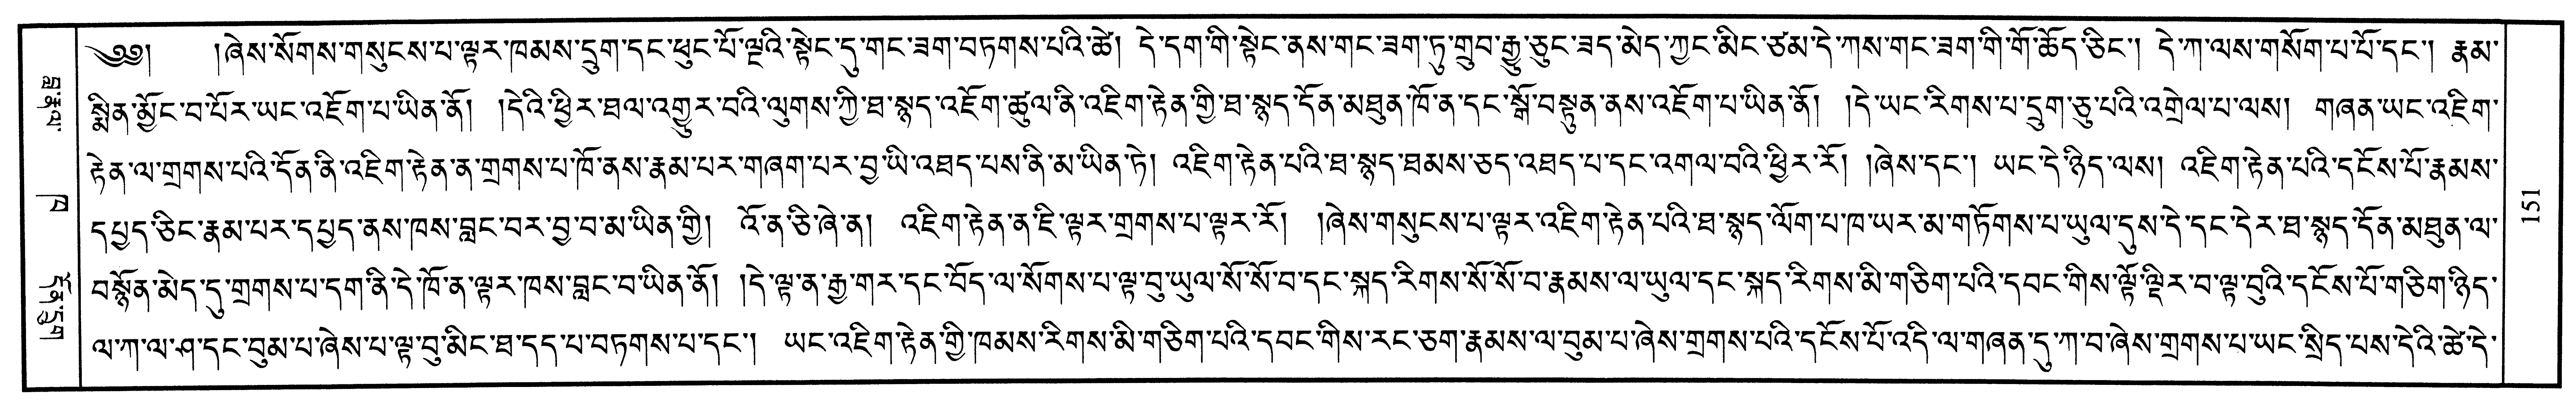༄༅། །ཞེས་སོགས་གསུངས་པ་ལྟར་ཁམས་དྲུག་དང་ཕུང་པོ་ལྔའི་སྟེང་དུ་གང་ཟག་བཏགས་པའི་ཚེ། དེ་དག་གི་སྟེང་ནས་གང་ཟག་ཏུ་གྲུབ་རྒྱུ་ཅུང་ཟད་མེད་ཀྱང་མིང་ཙམ་དེ་ཀས་གང་ཟག་གི་གོ་ཆོད་ཅིང་། དེ་ཀ་ལས་གསོག་པ་པོ་དང་། རྣམ་
སྨིན་མྱོང་བ་པོར་ཡང་འཇོག་པ་ཡིན་ནོ། །དེའི་ཕྱིར་ཐལ་འགྱུར་བའི་ལུགས་ཀྱི་ཐ་སྙད་འཇོག་ཚུལ་ནི་འཇིག་རྟེན་གྱི་ཐ་སྙད་དོན་མཐུན་ཁོ་ན་དང་སྒོ་བསྟུན་ནས་འཇོག་པ་ཡིན་ནོ། །དེ་ཡང་རིགས་པ་དྲུག་ཅུ་པའི་འགྲེལ་པ་ལས། གཞན་ཡང་འཇིག་
རྟེན་ལ་གྲགས་པའི་དོན་ནི་འཇིག་རྟེན་ན་གྲགས་པ་ཁོ་ནས་རྣམ་པར་གཞག་པར་བྱ་ཡི་འཐད་པས་ནི་མ་ཡིན་ཏེ། འཇིག་རྟེན་པའི་ཐ་སྙད་ཐམས་ཅད་འཐད་པ་དང་འགལ་བའི་ཕྱིར་རོ། །ཞེས་དང་། ཡང་དེ་ཉིད་ལས། འཇིག་རྟེན་པའི་དངོས་པོ་རྣམས་
དཔྱད་ཅིང་རྣམ་པར་དཔྱད་ནས་ཁས་བླང་བར་བྱ་བ་མ་ཡིན་གྱི། འོ་ན་ཅི་ཞེ་ན། འཇིག་རྟེན་ན་ཇི་ལྟར་གྲགས་པ་ལྟར་རོ། །ཞེས་གསུངས་པ་ལྟར་འཇིག་རྟེན་པའི་ཐ་སྙད་ལོག་པ་ཁ་ཡར་མ་གཏོགས་པ་ཡུལ་དུས་དེ་དང་དེར་ཐ་སྙད་དོན་མཐུན་ལ་
བསྙོན་མེད་དུ་གྲགས་པ་དག་ནི་དེ་ཁོ་ན་ལྟར་ཁས་བླང་བ་ཡིན་ནོ། །དེ་ལྟ་ན་རྒྱ་གར་དང་བོད་ལ་སོགས་པ་ལྟ་བུ་ཡུལ་སོ་སོ་བ་དང་སྐད་རིགས་སོ་སོ་བ་རྣམས་ལ་ཡུལ་དང་སྐད་རིགས་མི་གཅིག་པའི་དབང་གིས་ལྟོ་ལྡིར་བ་ལྟ་བུའི་དངོས་པོ་གཅིག་ཉིད་
ལ་ཀ་ལ་ཤ་དང་བུམ་པ་ཞེས་པ་ལྟ་བུ་མིང་ཐ་དད་པ་བཏགས་པ་དང་། ཡང་འཇིག་རྟེན་གྱི་ཁམས་རིགས་མི་གཅིག་པའི་དབང་གིས་རང་ཅག་རྣམས་ལ་བུམ་པ་ཞེས་གྲགས་པའི་དངོས་པོ་འདི་ལ་གཞན་དུ་ཀ་བ་ཞེས་གྲགས་པ་ཡང་སྲིད་པས་དེའི་ཚེ་དེ་